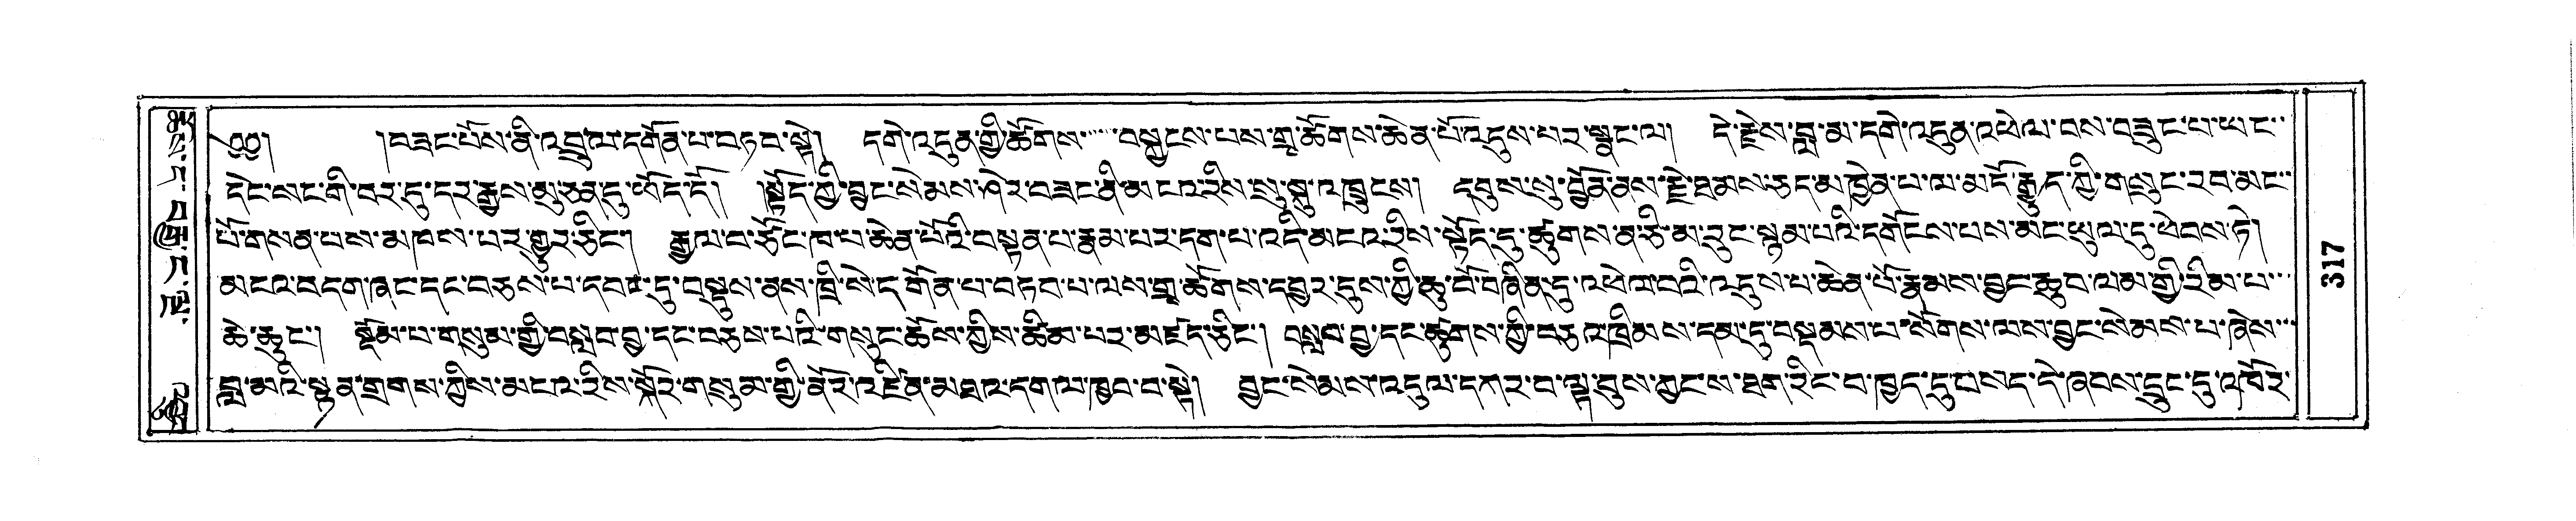༄༅། །བཟང་པོས་ནི་འབྲུལ་དགོན་པ་བཏབ་སྟེ། དགེ་འདུན་གྱི་ཚོགས་བསྐྱངས་པས་གྲྭ་ཚོགས་ཆེན་པོ་འདུས་པར་སྣང་ལ། དེ་རྗེས་བླ་མ་དགེ་འདུན་འཕེལ་བས་བཟུང་པ་ཡང་
དེང་སང་གི་བར་དུ་དར་རྒྱས་མུ་ཅན་དུ་ཡོད་དོ། །སྟོད་ཀྱི་བྱང་སེམས་ཤེར་བཟང་ནི་མངའ་རིས་སུ་སྐུ་འཁྲུངས། དབུས་སུ་བྱོན་ནས་རྗེ་ཐམས་ཅད་མཁྱེན་པ་ལ་མདོ་རྒྱུད་ཀྱི་གསུང་རབ་མང་
པོ་གསན་པས་མཁས་པར་གྱུར་ཅིང་། རྒྱལ་བ་ཙོང་ཁ་པ་ཆེན་པོའི་བསྟན་པ་རྣམ་པར་དག་པ་འདི་མངའ་རིས་སྟོད་དུ་ཚུགས་ན་ཅི་མ་རུང་སྙམ་པའི་དགོངས་པས་མང་ཡུལ་དུ་ཕེབས་ཏེ།
མངའ་བདག་ཞང་དང་བཅས་པ་དབང་དུ་བསྡུས་ནས་ཁྲི་སེ་དགོན་པ་བཏབ་པ་ལས་གྲྭ་ཚོགས་དབྱར་དུས་ཀྱི་ཆུ་བོ་བཞིན་དུ་འཕེལ་བའི་འདུས་པ་ཆེན་པོ་རྣམས་བྱང་ཆུབ་ལམ་གྱི་རིམ་པ་
ཆེ་ཆུང་། སྡོམ་པ་གསུམ་གྱི་བསླབ་བྱ་དང་བཅས་པའི་གསུང་ཆོས་ཀྱིས་ཚིམ་པར་མཛད་ཅིང་། བསླབ་བྱ་དང་ཚུགས་ཀྱི་བཅའ་ཁྲིམས་དམ་དུ་བསྡམས་པ་སོགས་ལས་བྱང་སེམས་པ་ཞེས་
བླ་མའི་སྟན་གྲགས་ཀྱིས་མངའ་རིས་སྐོར་གསུམ་གྱི་ནོར་འཛིན་མཐའ་དག་ལ་ཁྱབ་བ་སྟེ། བྱང་སེམས་འདུལ་དཀར་བ་ལྟ་བུས་ཀྱང་ས་ཐག་རིང་བ་ཁྱད་དུ་བསད་དེ་ཞབས་དྲུང་དུ་འཁོར་